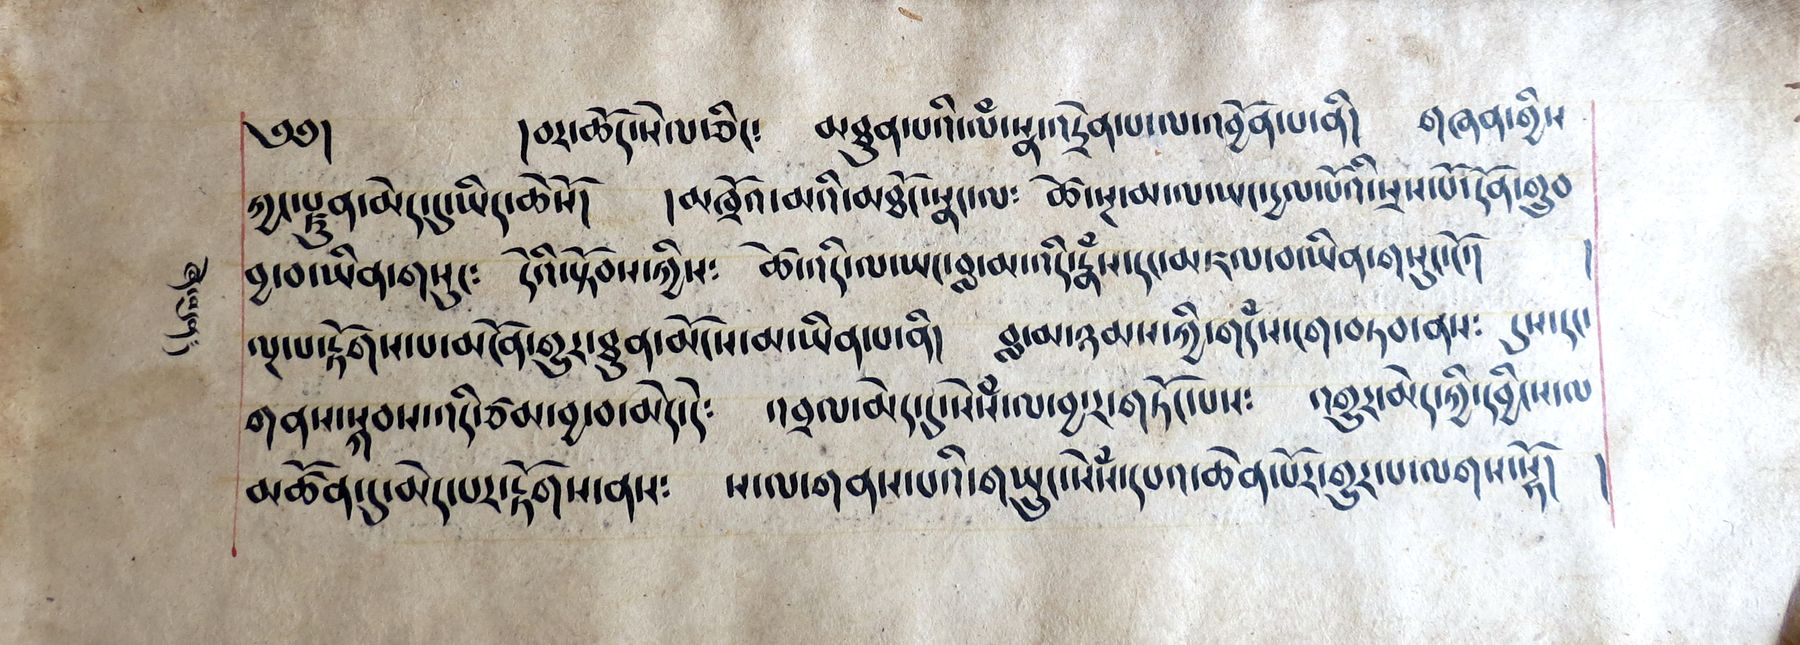བར་ཆོད་སེལ་ཅིང་། མཐུན་པའི་ལམ་སྣ་འདྲེན་པ་ལ་འབྱོན་པ་ནི། གཞན་གྱིས་
ཀྱང་རྫུན་མེད་དུ་ཡིད་ཆེས་སོ། །མཁའ་འགྲོ་མའི་མཐོང་སྣང་ལ། ཚེ་སྔ་མ་ལ་ཡང་རྒྱལ་པོའི་སྲས་པོ་དོན་གྲུབ་
བྱ་བ་ཡིན་གསུངས། དེའི་སྟོབས་ཀྱིས་ཚེ་འདི་ལ་ཡང་བླ་མ་འདི་རྣམས་དང་མཇལ་བ་ཡིན་གསུང་ངོ་། 
ལྔ་པ་རྟོགས་པ་མངོན་གྱུར་ཐུན་མོང་མ་ཡིན་པ་ནི། བླ་མས་ཉམས་ཀྱི་གདམས་ངག་བཏབ་ནས། དུས་དང་
གནས་སྐབས་འདི་ཙམ་བྱ་བ་མེད་དེ། འབྲལ་མེད་དུ་སེམས་ལ་བྱ་ར་གཏོང་པས། འགྱུར་མེད་ཀྱི་དབྱིངས་ལ་
མཚོན་དུ་མེད་པར་རྟོགས་ནས། ས་ལ་གནས་པའི་གཡུང་དྲུང་སེམས་དཔའ་ཆེན་པོར་གྱུར་པ་ལགས་སོ། །